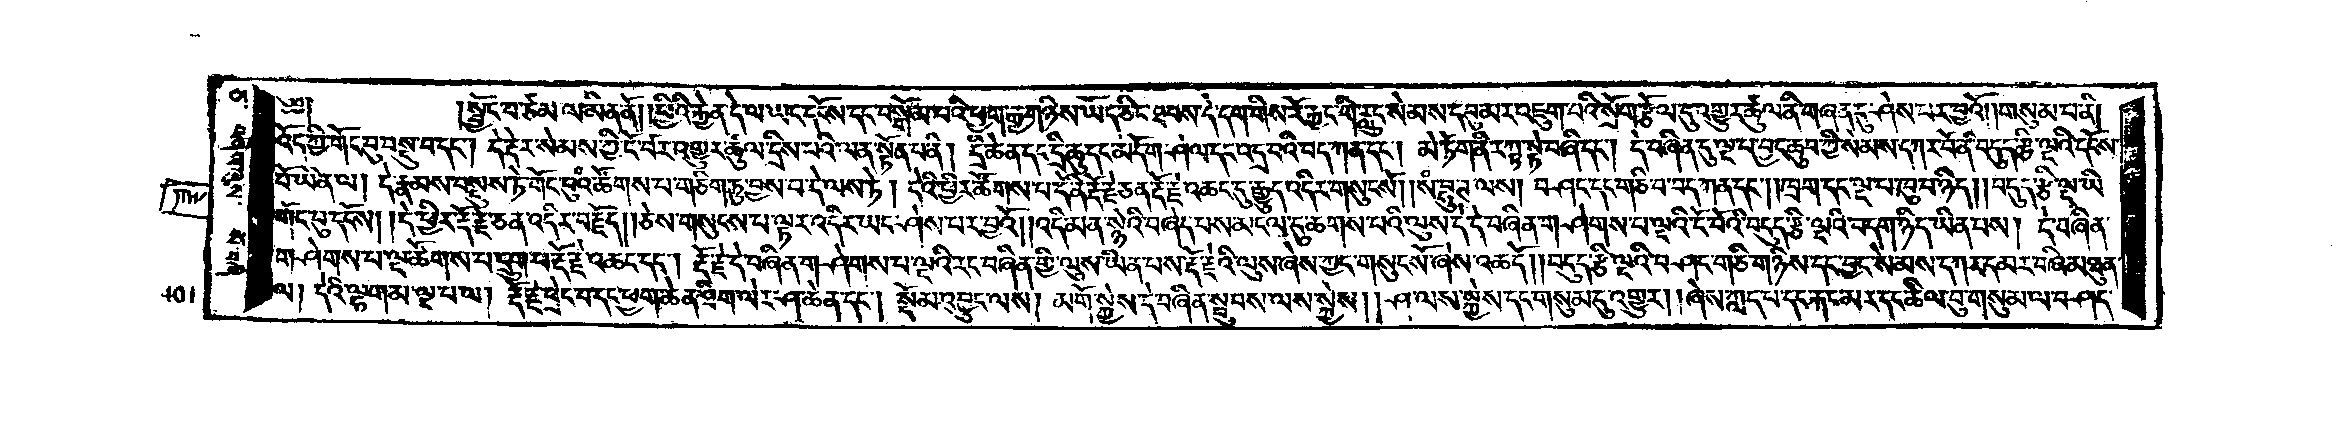༄༅། །སྦྱོང་བ་ཙམ་ལ་མིན་ནོ། །ཕྱིའི་རྐྱེན་དེ་ལ་ཡང་དངོས་དང་བསྒོམ་པའི་ཕྱག་རྒྱ་གཉིས་ཡོད་ཅིང་ཐབས་དེ་དག་གིས་རོ་རྐྱང་གི་རླུང་སེམས་དབུ་མར་འཇུག་པའི་སྲོག་རྩོལ་དུ་འགྱུར་ཚུལ་ནི་གཞན་དུ་ཤེས་པར་བྱའོ། །གསུམ་པ་ནི།
འོད་ཀྱི་གོང་བུ་བསྡུ་བ་དང་། དེ་རྡོར་སེམས་ཀྱི་ངོ་བོར་འགྱུར་ཚུལ་དྲིས་པའི་ལན་སྟོན་པ་ནི། དྲི་ཆེན་དང་དྲི་ཆུ་དང་མདོག་ཤེལ་དང་འདྲ་བའི་བད་ཀན་དང་། མེ་ཏོག་ནི་རཀྟ་སྟེ་བཞི་དང་། དེ་བཞིན་དུ་ལྔ་པ་བྱང་ཆུབ་ཀྱི་སེམས་དཀར་པོ་ནི་བདུད་རྩི་ལྔའི་དངོས་
པོ་ཡིན་ལ། དེ་རྣམས་བསྡུས་ཏེ་གོང་བུའི་ཚོགས་པ་གཅིག་ཏུ་བྱས་པ་དེ་ལས་ཏེ། དེའི་ཕྱིར་ཚོགས་པ་དེ་ནི་རྡོ་རྗེ་ཅན་རྡོ་རྗེ་འཆང་དུ་རྒྱུད་འདིར་གསུངས་སོ། །སཾ་བཧུ་ཊ་ལས། བཤད་དང་གཅི་བ་བད་ཀན་དང་། །ཁྲག་དང་ལྔ་པ་ཁུ་བ་ཉིད། །བདུད་རྩི་ལྔ་ཡི་
གོང་བུ་དངོས། །དེ་ཕྱིར་རྡོ་རྗེ་ཅན་འདིར་བརྗོད། །ཅེས་གསུངས་པ་ལྟར་འདིར་ཡང་ཤེས་པར་བྱའོ། །འདི་མན་སྙེའི་བཞེད་པས་མངལ་དུ་ཆགས་པའི་ལུས་དེ་དེ་བཞིན་གཤེགས་པ་ལྔའི་ངོ་བོའི་བདུད་རྩི་ལྔའི་བདག་ཉིད་ཡིན་པས། དེ་བཞིན་
གཤེགས་པ་ལྔ་ཚོགས་པ་དྲུག་པ་རྡོ་རྗེ་འཆང་དང་། རྡོ་རྗེ་དེ་བཞིན་གཤེགས་པ་ལྔའི་རང་བཞིན་གྱི་ལུས་ཡིན་པས་རྡོ་རྗེའི་ལུས་ཞེས་ཀྱང་གསུངས་སོ་ཞེས་འཆད་དོ། །བདུད་རྩི་ལྔའི་བཤང་གཅི་གཉིས་དང་བྱང་སེམས་དཀར་དམར་བཞི་མཐུན་
ལ། དེའི་ལྷག་མ་ལྔ་པ་ལ། རྡོ་རྗེ་ཕྲེང་བ་དང་ཕྱག་ཆེན་ཐིག་ལེར་ཤ་ཆེན་དང་། སྡོམ་འབྱུང་ལས། མགོ་སྐྱེས་དེ་བཞིན་སྦུབས་ལས་སྐྱེས། །ཤ་ལས་སྐྱེས་དང་གསུམ་དུ་འགྱུར། །ཞེས་ཀླད་པ་དང་རྐང་མར་དང་ཚིལ་བུ་གསུམ་ལ་བཤད་